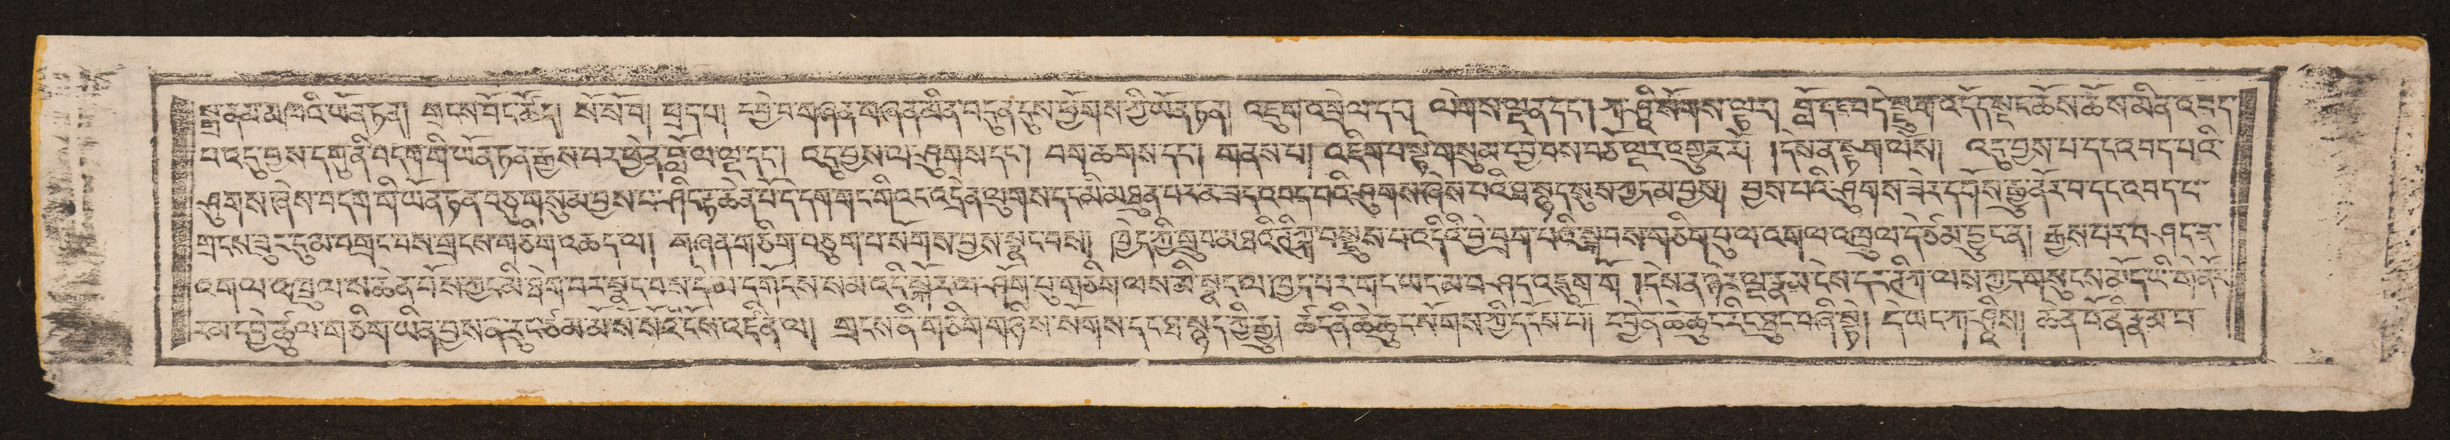སྒྲ་ནམ་མཁའི་ཡོན་ཏན། གྲངས་བོང་ཚོད། སོ་སོ་བ། ཕྲད་པ། དབྱེ་བ་གཞན་གཞན་མིན་བདུན་དུས་ཕྱོགས་ཀྱི་ཡོན་ཏན། འཇུག་འགྲེལ་དང་། ལེགས་ལྡན་དང་། ཀ་ཤཱི་སོགས་ལྟར། བློ་དང་བདེ་སྡུག་འདོད་སྡང་ཆོས་ཆོས་མིན་འབད་
པ་འདུ་བྱས་དགུ་ནི་བདག་གི་ཡོན་ཏན་རྒྱས་པར་ཕྱེ་ན་བློ་ལ་ལྔ་དང་། འདུ་བྱས་ལ་ཤུགས་དང་། བག་ཆགས་དང་། གནས་པ། འཇིག་པ་སྟེ་གསུམ་དབྱེ་བས་བཅོ་ལྔར་འགྱུར་རོ། །དེས་ན་སྟག་ལོས། འདུ་བྱས་པ་དང་འབད་པའི་
ཤུགས་ཞེས་བདག་གི་ཡོན་ཏན་བཅུ་གསུམ་བྱས་པ་ཤིང་རྟ་ཆེན་པོ་དེ་དག་གང་གིའང་འདྲེན་ལུགས་དང་མི་མཐུན་པར་མ་ཟད་འབད་པའི་ཤུགས་ཞེས་པའི་ཐ་སྙད་སུས་ཀྱང་མ་བྱས། བྱས་པའི་ཤུགས་ཟེར་དགོས་རྒྱུ་ནོར་བ་དང་འབད་པ་
གྲངས་ཟུར་དུ་མ་བགྲང་བས་གྲངས་གཅིག་འཆད་ལ། གཞན་གཅིག་བཅུག་པ་སོགས་བྱས་སྣང་བས། ཁྱེད་ཀྱི་གྲུབ་མཐའི་ཊིཀྐ་བསྡུས་པ་འདིའི་བྱེ་བྲག་པའི་སྐབས་གཅིག་པུ་ལ་འགལ་འཁྲུལ་དེ་ཙམ་བྱུང་ན། རྒྱས་པར་བཤད་ན་
འགལ་འཁྲུལ་ས་ཆེན་པོས་ཀྱང་མི་ཐེག་པར་སྣང་བས་དེ་མ་དགོངས་སམ་འདི་སྐོར་ལ་ཤོག་པུ་གཅིག་ལས་མི་སྣང་ལ་ཁྱད་པར་གང་ཡང་མ་བཤད་འདུག་གོ །དེས་ན་ཉེར་ལྔ་རྣམ་ངེས་དར་ཊིཀ་ལས་ཀྱང་གསུངས་མོད་ཡི་གེ་ནོར་
རམ་དབྱེ་ཚུལ་གཅིག་ཡིན་བྱས་ན་རུང་ཙམ་མོ་སོ་སོའི་ངོས་འཛིན་ལ། གྲངས་ནི་གཅིག་གཉིས་སོགས་དང་ཐ་སྙད་ཀྱི་རྒྱུ། ཚད་ནི་ཆེ་ཆུང་སོགས་ཀྱི་དངོས་པོ། དབྱེ་ན་ཆེ་ཆུང་རིང་ཐུང་བཞི་སྟེ། དེ་ཡང་ཀ་ཤཱིས། ཆེན་པོ་ནི་རྣམ་པ་